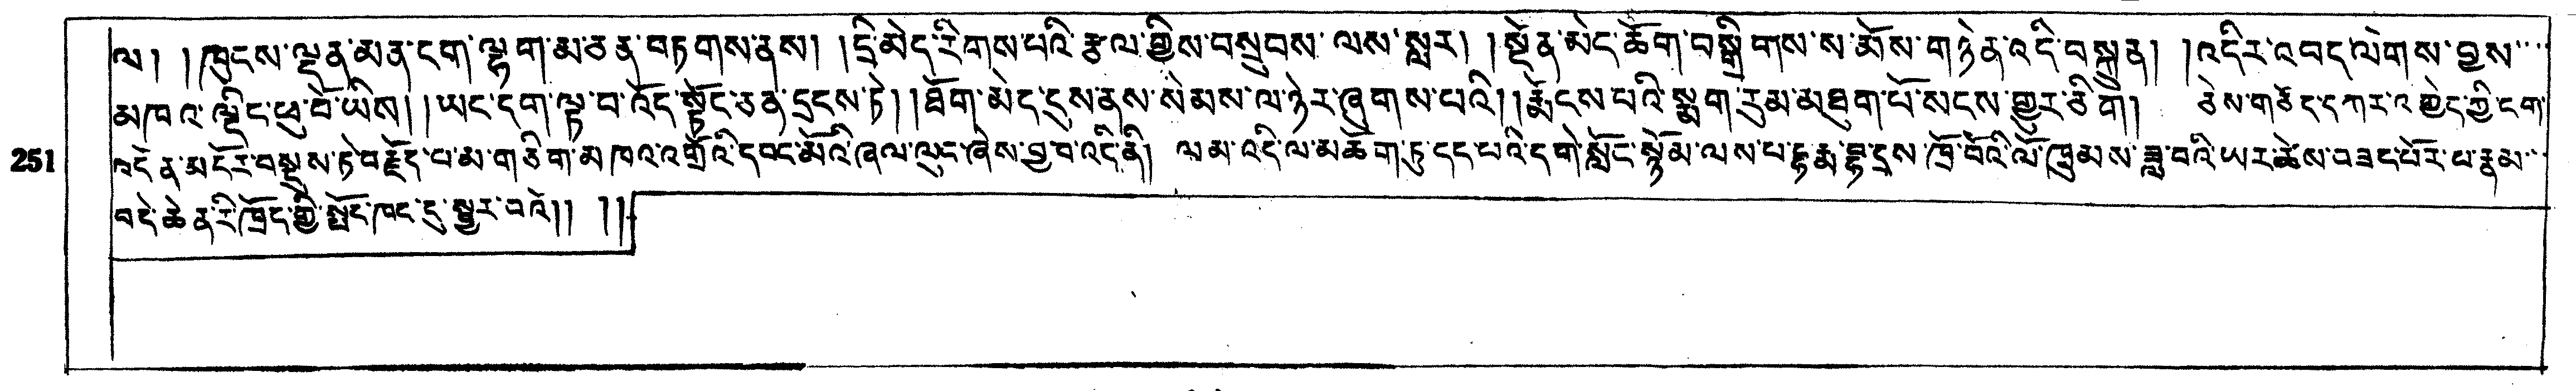ལ། །ཁུངས་ལྡན་མན་ངག་ལྷག་མ་ཅན་བཏགས་ནས། །དྲི་མེད་རིགས་པའི་རྩལ་གྱིས་བསྲུབས་ལས་སླར། །སྔོན་མེད་ཆོག་བསྒྲིགས་ས་མོས་གཉེན་འདི་བསྐྲུན། །འདིར་འབད་ལེགས་བྱས་
མཁའ་ལྡིང་ཕུ་བོ་ཡིས། །ཡང་དག་ལྟ་བ་འོད་སྟོང་ཅན་དྲངས་ཏེ། །ཐོག་མེད་དུས་ནས་སེམས་ལ་ཉེར་ཞུགས་པའི། །རྨོངས་པའི་སྨག་རུམ་མཐུག་པོ་སངས་གྱུར་ཅིག །ཅེས་གཅོད་དཀར་འགྱེད་ཀྱི་ངག་
འདོན་མདོར་བསྡུས་ཏེ་བརྗོད་པ་མ་གཅིག་མཁའ་འགྲོའི་དབང་མོའི་ཞལ་ལུང་ཞེས་བྱ་བ་འདི་ནི། ལམ་འདི་ལ་མཆོག་ཏུ་དད་པའི་དགེ་སློང་སྙོམ་ལས་པ་དྷརྨ་བྷ་དྲས་ཁྲོ་བོའི་ལོ་ཁྲུམས་ཟླ་བའི་ཡར་ཚེས་བཟང་པོར་པ་རྣམ་
བདེ་ཆེན་རི་ཁྲོད་ཀྱི་སྤོང་ཁང་དུ་སྦྱར་བའོ།། །།